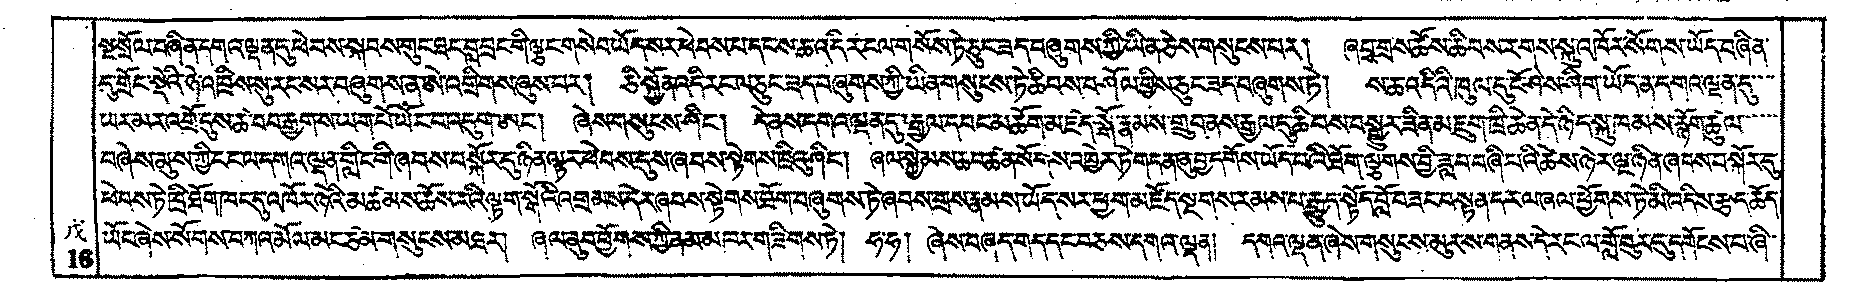སྔ་སྲོལ་བཞིན་དགའ་ལྡན་དུ་ཕེབས་སྐབས་གུང་ཐང་བླ་བྲང་གི་ལྕང་གསེབ་ཡོད་སར་ཕེབས་པ་དང་ས་ཆ་འདིར་ངལ་གསོས་ཏེ་ཅུང་ཟད་བཞུགས་ཀྱི་ཡིན་ཅེས་གསུངས་པར། ཞབས་གྲས་ཚོས་ཆིབས་རགས་སྐུ་འཁོར་སོགས་ཡོད་བཞིན་
དུ་གྲོང་སྡེའི་ཉེ་འཁྲིས་སུ་རང་སར་བཞུགས་ན་ཨེ་འགྲིགས་ཞུས་པར། ཅི་སྐྱོན་འདི་རང་ལ་ཅུང་ཟད་བཞུགས་ཀྱི་ཡིན་གསུངས་ཏེ་ཆིབས་བཤོལ་གྱིས་ཅུང་ཟད་བཞུགས་ཏེ། ས་ཆ་འདིའི་ཁུལ་དུ་ངོ་ཤེས་ཤིག་ཡོད་ན་དགའ་ལྡན་དུ་
ཡར་མར་འགྲོ་དུས་ཚ་བབ་རྒྱག་ས་ཡག་པོ་ཡོང་བ་འདུག་ཨང་། ཞེས་གསུངས་ཤིང་། དེ་ནས་དགའ་ལྡན་དུ་༧རྒྱལ་དབང་མཆོག་མཛད་སྒོ་རྣམས་གྲུབ་ནས་རྒྱལ་དུ་ཆིབས་བསྒྱུར་ཟིན་མཇུག་ཁྲི་ཆེན་དེ་ཉིད་སྐུ་ཁམས་རྙོག་ཚུལ་
བཞེས་མུས་ཀྱི་ངང་ལ་དགའ་ལྡན་གླིང་གི་ཞབས་བསྐོར་དུ་ཉིན་ལྟར་ཕེབས་དུས་ཞབས་སྟེགས་ཁྲིའུ་ཤིང་། ཞལ་སྐྱེམས་ཆབ་ཚན་སོགས་འཁྱེར་ཏེ་གདན་ཞུ་བྱ་དགོས་ཡོད་པའི་ཐོག་ལྕགས་བྱི་ཟླ་བ་བཞི་པའི་ཚེས་ཉེར་ལྔ་ཉིན་ཞབས་བསྐོར་དུ་
ཕེབས་ཏེ་ཁྲི་ཐོག་ཁང་དུ་འཁོར་ཉེའི་མཚམས་ཆོས་རའི་ལྟག་སྒོའི་འགྲམས་དེར་ཞབས་སྟེགས་ཐོག་བཞུགས་ཏེ་ཞབས་གྲས་རྣམས་ཡོད་སར་ཕྱག་མཛོད་སྔགས་རམས་པ་རྒྱུད་སྟོད་བློ་བཟང་བསྟན་དར་ལ་ཞལ་ཕྱོགས་ཏེ་མི་འདིས་རྩད་ཆོད་
ཡོང་ཞེས་སོགས་བཀའ་མོལ་མང་ཙམ་གསུངས་མཐར། ཞལ་ནུབ་ཕྱོགས་ཀྱི་ནམ་མཁར་གཟིགས་ཏེ། ཧ་ཧ། ཞེས་བཞད་གད་དང་བཅས་དགའ་ལྡན། དགའ་ལྡན་ཞེས་གསུངས་མུར་ས་གནས་དེ་རང་ལ་གློ་བུར་དུ་དགོངས་པ་ཞི་